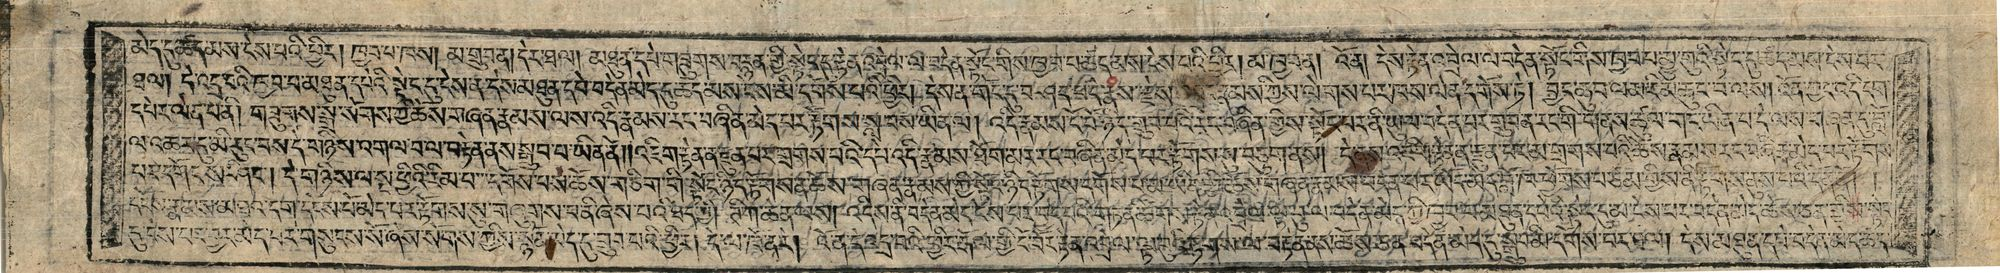མེད་དུ་ཚད་མས་ངེས་པའི་ཕྱིར། ཁྱབ་པ་ཁས། མ་གྲུབ་ན། དེར་ཐལ། མཐུན་དཔེ་གཟུགས་བརྙན་གྱི་སྟེང་དུ་རྟེན་འབྲེལ་ལ་བདེན་སྟོང་གིས་ཁྱབ་པ་ཚད་མས་ངེས་པའི་ཕྱིར། མ་ཁྱབ་ན། འོ་ན། དེས་རྟེན་འབྲེལ་ལ་བདེན་སྟོང་གིས་ཁྱབ་པ་མྱུ་གུའི་སྟེང་དུ་ཚད་མས་ངེས་པར་
ཐལ། དེ་འདྲ་བའི་ཁྱབ་པ་མཐུན་དཔེའི་སྟེང་དུ་ངེས་ན་དེས་མཐུན་དཔེ་བདེན་མེད་དུ་ཚད་མས་ངེས་མི་དགོས་པའི་ཕྱིར། དེས་ན་གོང་དུ་བཤད་པ་དེ་རྣམས་རྗེས་འབྲང་རྣམས་ཀྱིས་ལེགས་པར་ཁས་ལེན་དགོས་ཏེ། བྱང་ཆུབ་ལམ་རིམ་ཆུང་བ་ལས། འོན་ཀྱང་འདི་དག་
དཔེར་ལེན་པ་ནི། གཟུགས་སྒྲ་སོགས་ཀྱི་ཆོས་གཞན་རྣམས་ལས་འདི་རྣམས་རང་བཞིན་མེད་པར་རྟོགས་སླ་བས་ཡིན་ལ། འདི་རྣམས་ངོ་བོ་ཉིད་གྲུབ་པའི་རང་བཞིན་གྱིས་སྟོང་པར་ནི་ཡུལ་བདེན་པར་གྲུབ་ན་རང་གི་གནས་ཚུལ་གང་ཡིན་པ་དེ་ལས་གཞན་དུ་བློ་
ལ་འཆར་དུ་མི་རུང་བས་དེ་གཉིས་འགལ་བ་ལ་བརྟེན་ནས་སྒྲུབ་པ་ཡིན་ནོ། །འཇིག་རྟེན་ན་རྫུན་པར་གྲགས་པའི་དཔེ་འདི་རྣམས་ཐོག་མར་རང་བཞིན་མེད་པར་རྟོགས་སུ་བཅུག་ནས། དེ་ནས་འཇིག་རྟེན་ན་རྫུན་པར་མ་གྲགས་པའི་ཆོས་རྣམས་རང་བཞིན་མེད་པར་རྟོགས་
པར་དགོངས་ཤིང་། དེ་གཉིས་ལ་སྔ་ཕྱིའི་རིམ་པ་དགོས་པས་ཆོས་གཅིག་གི་སྟོང་ཉིད་རྟོགས་ན་ཆོས་གཞན་རྣམས་ཀྱི་སྟོང་ཉིད་རྟོགས་དགོས་པ་མ་ཡིན་གྱི་ཆོས་གཞན་རྣམས་བདེན་པར་ཡོད་མེད་བློ་ཁ་ཕྱོགས་པ་ཙམ་གྱིས་ནི་རྟོགས་ནུས་པའི་དོན་ནོ། །
དངོས་རྣམས་མཐའ་དག་དངོས་པོ་མེད་པར་རྟོགས་སུ་གཞུགསྤ་ནི་ཞེས་པའི་ཐད་ཀྱི། ཊིཀ་ཆེན་ལས། འདིས་ནི་བདེན་མེད་ངས་པར་བྱེད་པའི་གཏན་ཚིགས་རྟེན་འབྲེལ་ལྟ་བུ་ལ་བདེན་མེད་ཀྱི་ཁྱབ་པ་མཐུན་དཔེའི་སྟེང་དུ་མ་ངེས་པར་བདེན་མེད་ཆོས་ཅན་གྱི་སྟེང་
དུ་ངེས་པར་བྱར་མེད་པར་གསུངས་སོ་ཞེས་སོགས་ཀྱིས་སྙོནྨེད་དུ་གྲུབ་པའི་ཕྱིར། དེ་ལ་ཁོ་ན་རེ། འོ་ན་དེ་འདྲ་བའི་ཕྱིར་རྒོལ་གྱི་ངོ་བོར་རྟེན་འབྲེལ་ལྟ་བུའི་རྟགས་ལ་བརྟེན་ནས་ཆོས་ཅན་བདེན་མེད་དུ་སྒྲུབ་མི་དགོས་པར་ཐལ། དེས་མཐུན་དཔེ་བདེན་མེད་ཚད་